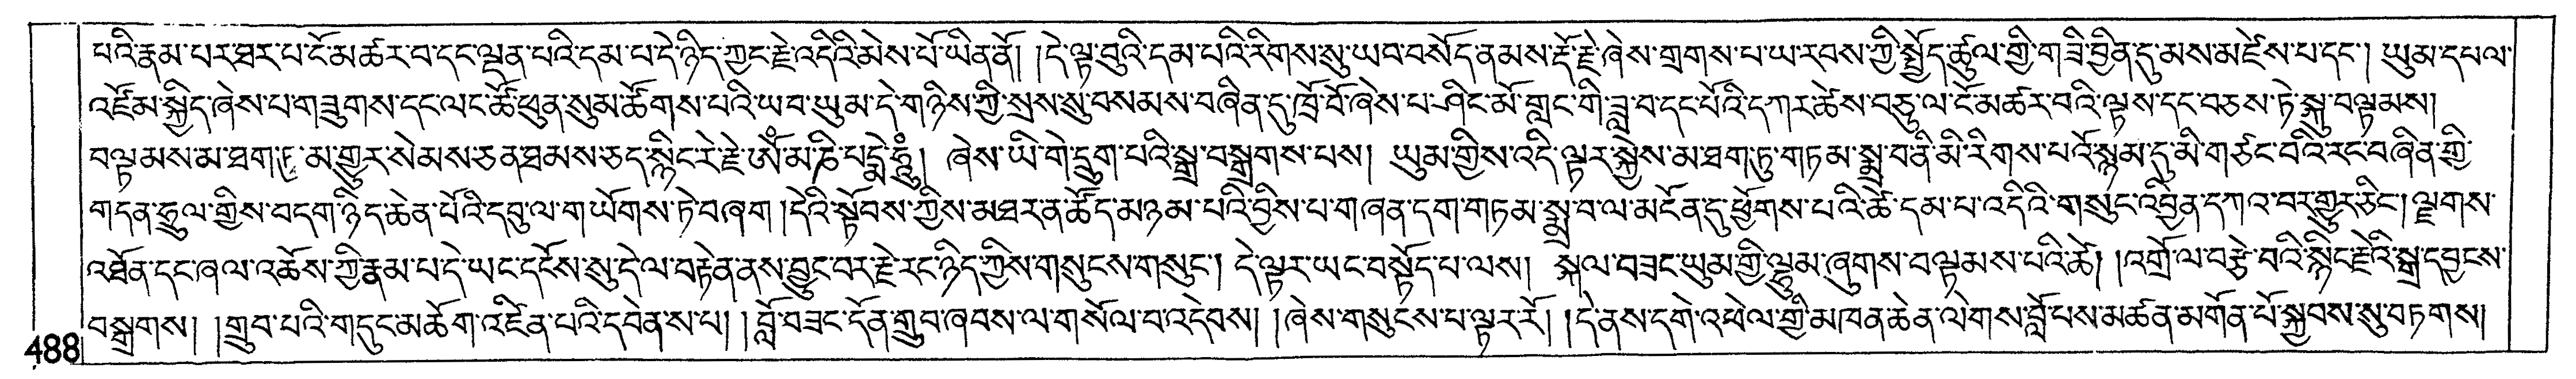པའི་རྣམ་པར་ཐར་པ་ངོ་མཚར་བ་དང་ལྡན་པའི་དམ་པ་དེ་ཉིད་ཀྱང་རྗེ་འདིའི་མེས་པོ་ཡིན་ནོ། །དེ་ལྟ་བུའི་དམ་པའི་རིགས་སུ་ཡབ་བསོད་ནམས་རྡོ་རྗེ་ཞེས་གྲགས་པ་ཡ་རབས་ཀྱི་སྤྱོད་ཚུལ་གྱི་གཟི་བྱིན་དུ་མས་མཛེས་པ་དང་། ཡུམ་དཔལ་
འཛོམ་སྐྱིད་ཞེས་པ་གཟུགས་དང་ལང་ཚོ་ཕུན་སུམ་ཚོགས་པའི་ཡབ་ཡུམ་དེ་གཉིས་ཀྱི་སྲས་སུ་བསམས་བཞིན་དུ་ཁྲོ་བོ་ཞེས་པ་ཤིང་མོ་གླང་གི་ཟླ་བ་དང་པོའི་དཀར་ཚེས་བཅུ་ལ་ངོ་མཚར་བའི་ལྟས་དང་བཅས་ཏེ་སྐུ་བལྟམས།
བལྟམས་མ་ཐག་ཏུ་མ་གྱུར་སེམས་ཅན་ཐམས་ཅད་སྙིང་རེ་རྗེ་ཨོཾ་མ་ཎི་པདམེ་ཧཱུཾ། ཞེས་ཡི་གེ་དྲུག་པའི་སྒྲ་བསྒྲགས་པས། ཡུམ་གྱིས་འདི་ལྟར་སྐྱེས་མ་ཐག་ཏུ་གཏམ་སྨྲ་བ་ནི་མི་རིགས་པའོ་སྙམ་དུ་མི་གཙང་བའི་རང་བཞིན་གྱི་
གདན་ཧྲུལ་གྱིས་བདག་ཉིད་ཆེན་པོའི་དབུ་ལ་གཡོགས་ཏེ་བཞག །དེའི་སྟོབས་ཀྱིས་མཐར་ན་ཚོད་མཉམ་པའི་བྱིས་པ་གཞན་དག་གཏམ་སྨྲ་བ་ལ་མངོན་དུ་ཕྱོགས་པའི་ཚེ་དམ་པ་འདིའི་གསུང་འབྱིན་དཀའ་བར་གྱུར་ཅིང་། ལྗགས་
འཐོན་དང་ཞལ་འཆོས་ཀྱི་རྣམ་པ་དེ་ཡང་དངོས་སུ་དེ་ལ་བརྟེན་ནས་བྱུང་བར་རྗེ་རང་ཉིད་ཀྱིས་གསུངས་གསུང་། དེ་ལྟར་ཡང་བསྟོད་པ་ལས། སྐལ་བཟང་ཡུམ་གྱི་ལྷུམ་ཞུགས་བལྟམས་པའི་ཚེ། །འགྲོ་ལ་བརྩེ་བའི་སྙིང་རྗེའི་སྒྲ་དབྱངས་
བསྒྲགས། །གྲུབ་པའི་གདུང་མཆོག་འཛིན་པའི་དབེན་ས་པ། །བློ་བཟང་དོན་གྲུབ་ཞབས་ལ་གསོལ་བ་འདེབས། །ཞེས་གསུངས་པ་ལྟར་རོ། །དེ་ནས་དགེ་འཕེལ་གྱི་མཁན་ཆེན་ལེགས་བློ་པས་མཚན་མགོན་པོ་སྐྱབས་སུ་བཏགས།